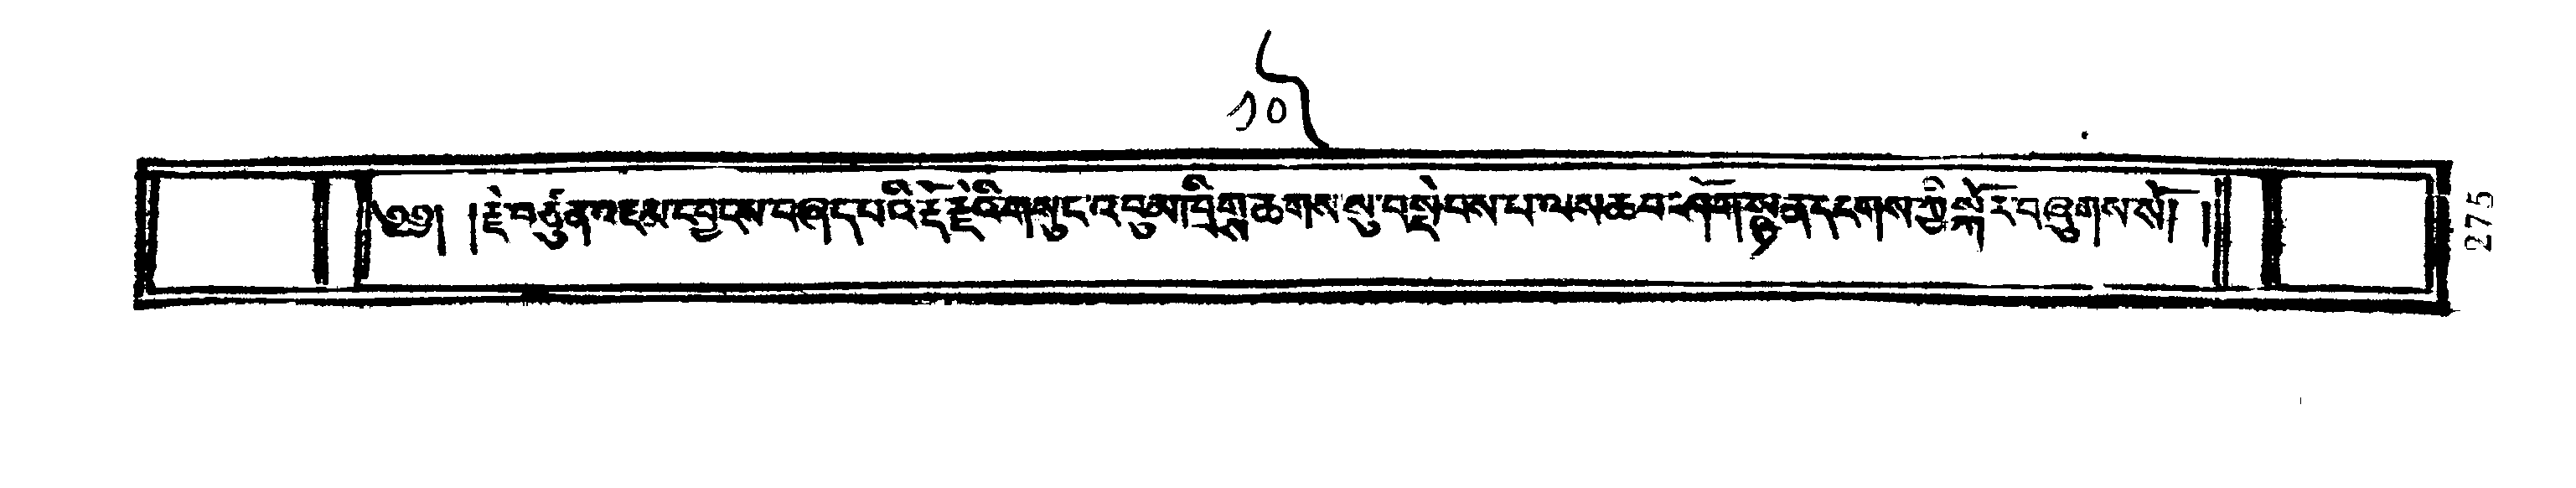༄༅། །རྗེ་བཙུན་འཇམ་དབྱངས་བཞད་པའི་རྡོ་རྗེའི་གསུང་འབུམ་ཁྲིགས་ཆགས་སུ་སྡེབས་པ་ལས་ཆབ་ཤོག་སྟན་དངགས་ཀྱི་སྐོར་བཞུགས་སོ། །